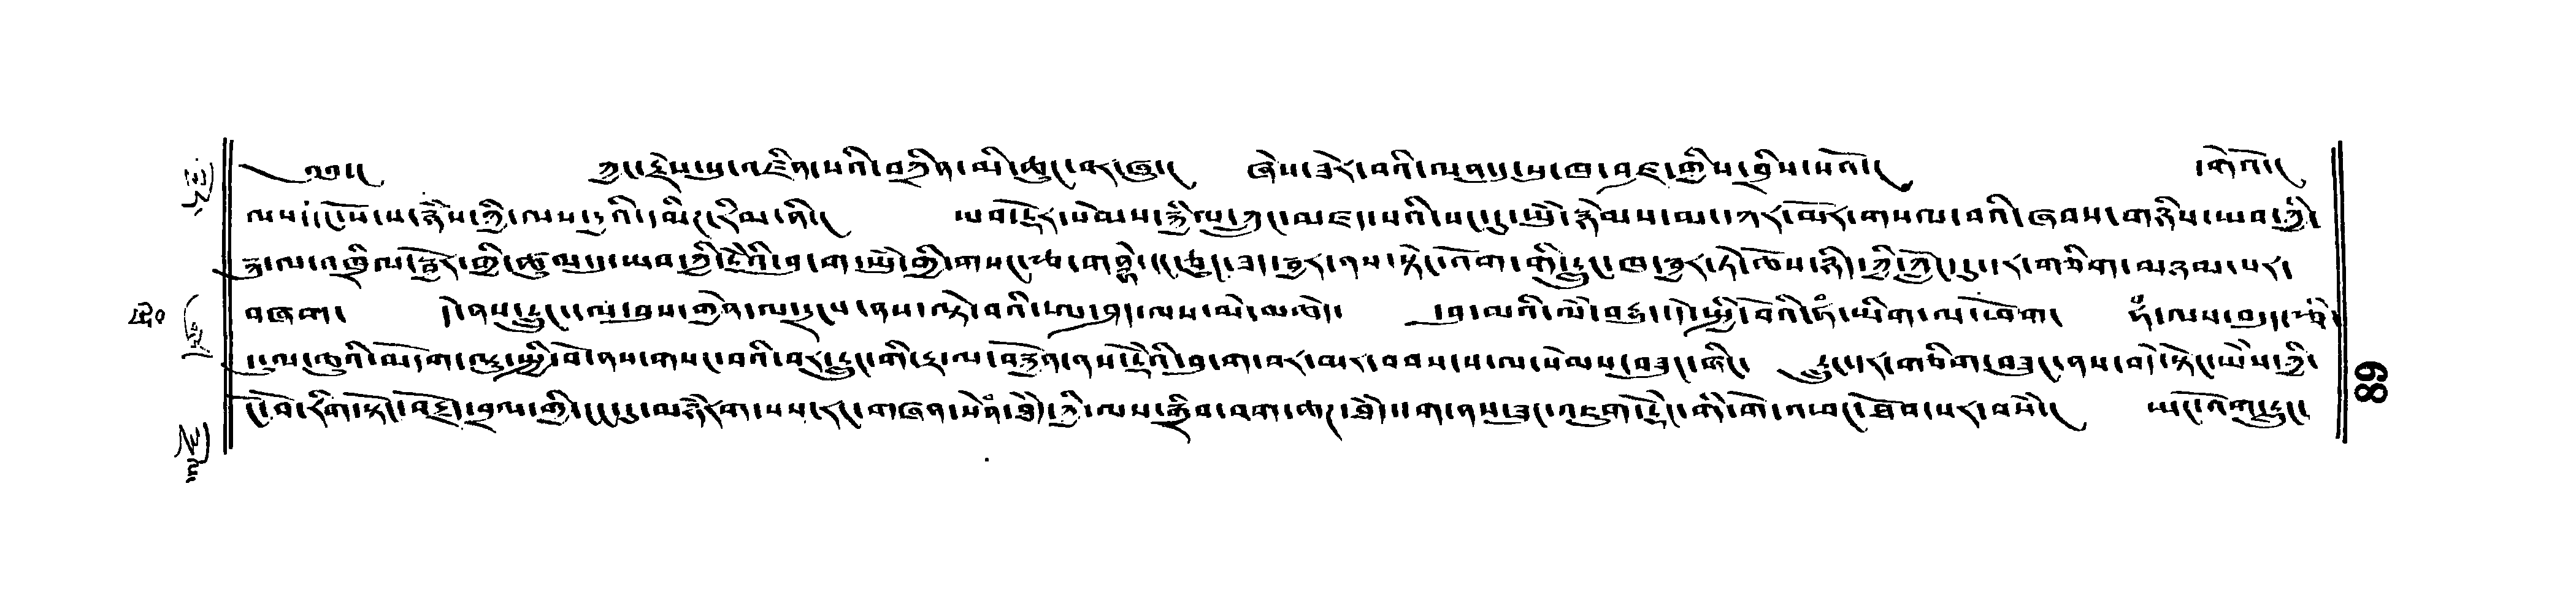ཀྱང་རྗེས་སུ་འཛིན་པའི་བཀྲིན་མི་ཆུང་བར་ཞུ། ཞེས་ཟེར་བའི་ལན་དུ་སུ་ཁ་བཛྲ་གྱིས་བྲིས་པའོ།། དགེའོ།། 
ལས་དང་པོ་པ་རྣམས་ཀྱི་ལས་རྒྱའི་དམིགས་རིམ་ནི། ཡབ་རྡོར་སེམས་སྐྱིལ་ཀྲུང་མཛད་པའི་པང་དུ་ཡུམ་སྙེམས་མ་དཀར་མོར་གསལ་བའི་ཞབས་གཉིས་ཡབ་ཀྱི་
སྐུ་ལ་འཁྲིལ་སྦྱོར་གྱི་ཚུལ་དུ་ཡབ་ཀྱི་རྡོ་རྗེའི་བུ་ག་ཡུམ་གྱི་གསང་རྩ་གནྡྷེ་དང་ཅུང་ཟད་སྦྱར་ནས་སྟེང་འོག་གི་རླུང་ཁ་སྦྱར་ཏེ་ཆོས་ཉིད་ཀྱི་ཀློང་དུ་དར་གཅིག་མཉམ་པར་
བཞག དེ་ནས་རླུང་དལ་བུས་གྱེན་ལ་དྲངས་ནས་ལྟེ་བའི་ཨ་ཤད་ལས་མེ་མཆེད། དབུ་མའི་ལམ་བརྒྱུད་དེ་སྤྱི་བོའི་ཧཾ་ཡིག་ལ་ཕོག ཧཾ་ལས་བདུད་རྩི་
དངུལ་ཆུའི་མདོག་ལྟ་བུ་སྤྱི་བོ་ནས་གསང་བའི་བར་རླུང་གི་རྟ་ལ་བསྐྱོན་ནས་རྡོ་རྗེའི་བུ་ག་བར་མར་བབས་པ་ལ་སེམས་བཟུང་ཞིང་། རླུང་དར་གཅིག་བཟུང་ནས་བདེ་སྟོང་ཡེ་ཤེས་ཀྱི་
ངོ་བོ་རིག་སྟོང་བརྗོད་བྲལ་གྱི་ངང་དུ་མཉམ་པར་བཞག་པས་རང་གཞན་སེམས་ཅན་ཐམས་ཅད་ཀྱི་ལས་སྒྲིབ་བག་ཆགས་ཐམས་ཅད་དག་ནས་ཟུང་འཇུག་རྡོ་རྗེ་འཆང་གི་གོ་འཕང་ཐོབ་པར་བསམ། ཡང་འོག་རླུང་